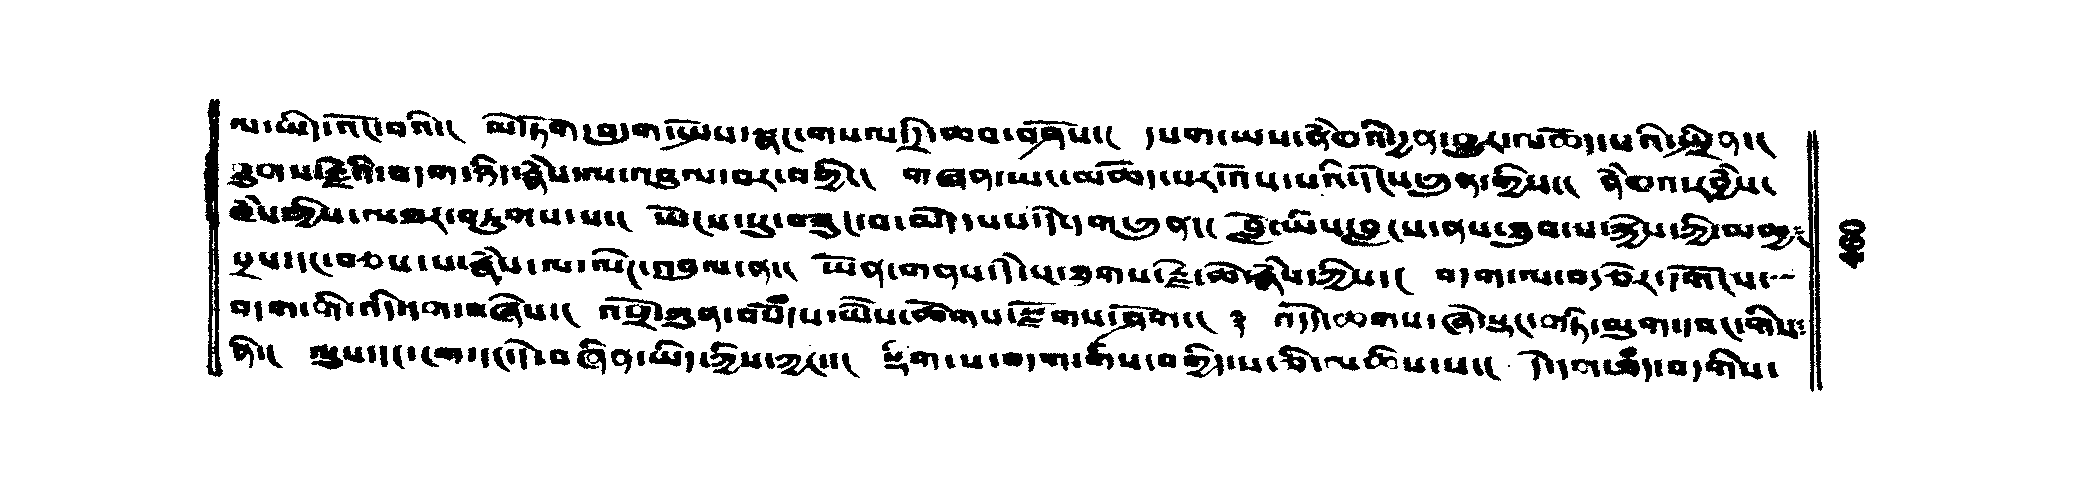ལ་ཡིད་འོང་བའི། །མེ་ཏོག་བདུག་སྤོས་སྣང་གསལ་དྲི་ཆབ་བཤོས། །དཔག་ཡས་ནམ་མཁའི་རྒྱན་གྱུར་མཆོད་པའི་སྤྲིན། །
ཐུགས་རྗེའི་བདག་ཉིད་རྣམས་ལ་འབུལ་བར་བགྱི། །གཞན་ཡང་མཆོད་པར་འོས་པའི་དངོས་ཀུན་གྱིས། །ནམ་མཁའ་རབ་འབྱམས་
ཁམས་ཀྱིས་མཐར་གཏུགས་པ། །ཡོངས་སུ་བཟུང་བ་མེད་པས་དེ་དག་ཀུན། །བློ་ཡིས་བླངས་ནས་ཐུབ་པ་སྐྱེས་ཀྱི་མཆོག །
སྲས་དང་བཅས་པ་རྣམས་ལ་ལེགས་འབུལ་ན། །ཡོན་གནས་དམ་པ་ཐུགས་རྗེ་ཆེ་རྣམས་ཀྱིས། །བདག་ལ་བརྩེར་དགོངས་
བདག་གི་འདི་དག་བཞེས། །འགྲོ་ཀུན་བསོད་ནམས་ཡེ་ཤེས་ཚོགས་རྫོགས་ཤོགའདོད་ཆགས་ཞེ་སྡང་གཏི་མུག་དབང་གིས་
ནི། །ལུས་དང་ངག་དང་དེ་བཞིན་ཡིད་ཀྱིས་ཀྱང་། །སྡིག་པ་བདག་གིས་བགྱིད་པ་ཅི་མཆིས་པ། །དེ་དག་ཐམས་ཅད་བདག་གིས་